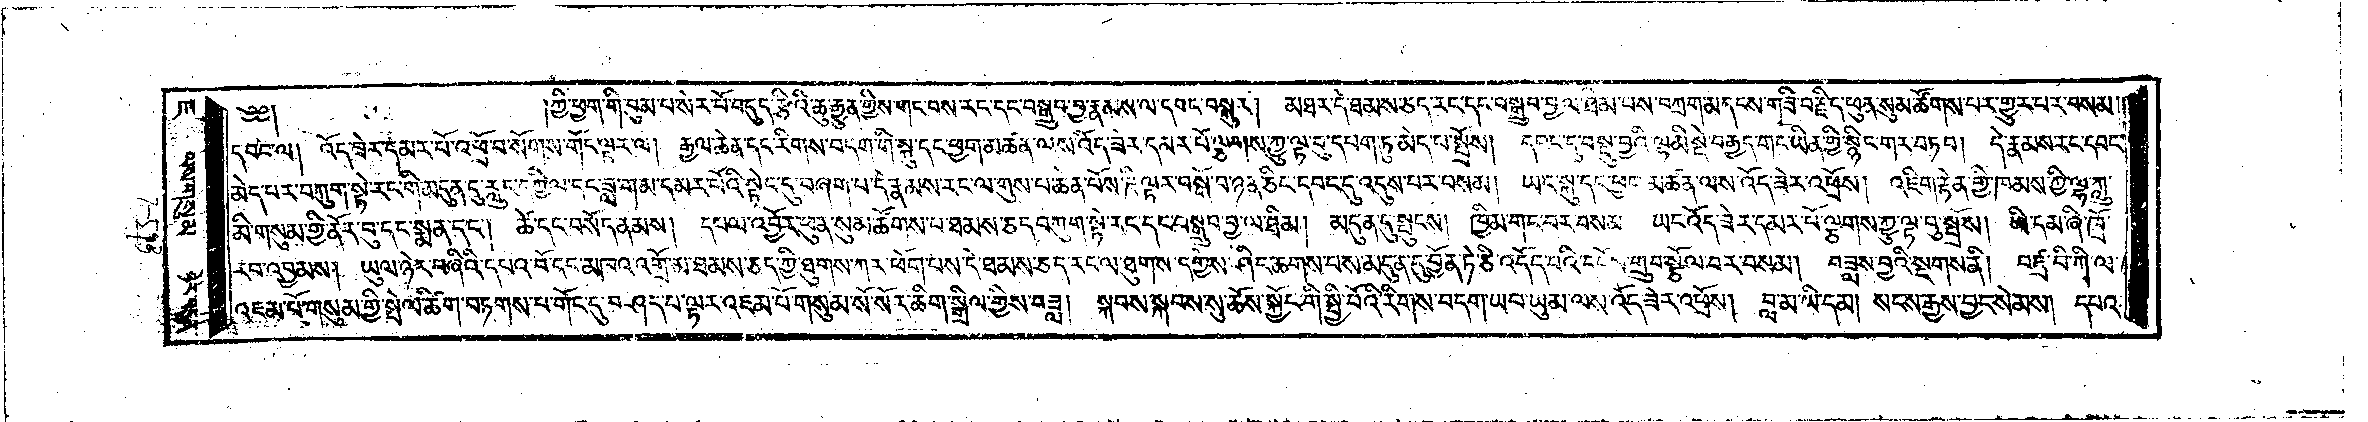༄༅། །ཀྱི་ཕྱག་གི་བུམ་པ་སེར་པོ་བདུད་རྩིའི་ཆུ་རྒྱུན་གྱིས་གང་བས་རང་དང་བསྒྲུབ་བྱ་རྣམས་ལ་དབང་བསྐུར། མཐར་དེ་ཐམས་ཅད་རང་དང་བསྒྲུབ་བྱ་ལ་ཐིམ་པས་བཀྲག་མདངས་གཟི་བརྗིད་ཕུན་སུམ་ཚོགས་པར་གྱུར་པར་བསམ།
དབང་ལ། འོད་ཟེར་དམར་པོ་འཕྲོ་བ་སོགས་གོང་ལྟར་ལ། རྒྱལ་ཆེན་དང་རིགས་བདག་གི་སྐུ་དང་ཕྱག་མཚན་ལས་འོད་ཟེར་དམར་པོ་ལྕགས་ཀྱུ་ལྟ་བུ་དཔག་ཏུ་མེད་པ་སྤྲོས། དབང་དུ་བསྡུ་བྱའི་ལྷ་མི་སྡེ་བརྒྱད་གང་ཡིན་གྱི་སྙིང་གར་བཏབ། དེ་རྣམས་རང་དབང་
མེད་པར་བཀུག་སྟེ་རང་གི་མདུན་དུ་རླུང་དཀྱིལ་དང་ཟླ་གམ་དམར་པོའི་སྟེང་དུ་བཞག་པ་དེ་རྣམས་རང་ལ་ཧུས་པ་ཆེན་པོས་ཇི་ལྟར་བསྒོ་བ་ཉན་ཅིང་དབང་དུ་འདུས་པར་བསམ། ཡང་སྐུ་དང་ཕྱག་མཚན་ལས་འོད་ཟེར་འཕྲོས། འཇིག་རྟེན་གྱི་ཁམས་ཀྱི་ལྷ་ཀླུ་
མི་གསུམ་གྱི་ནོར་བུ་དང་སྨན་དང་། ཚེ་དང་བསོད་ནམས། དཔལ་འབྱོར་ཕུན་སུམ་ཚོགས་པ་ཐམས་ཅད་བཀུག་སྟེ་རང་དང་བསྒྲུབ་བྱ་ལ་ཐིམ། མདུན་དུ་སྤུངས། ཁྱིམ་གང་བར་བསམ། ཡང་འོད་ཟེར་དམར་པོ་ལྕགས་ཀྱུ་ལྟ་བུ་སྤྲོས། ཡི་དམ་ཞི་ཁྲོ་
རབ་འབྱམས། ཡུལ་ཉེར་བཞིའི་དཔའ་བོ་དང་མཁའ་འགྲོ་མ་ཐམས་ཅད་ཀྱི་ཐུགས་ཀར་ཕོག་པས་དེ་ཐམས་ཅད་རང་ལ་ཐུགས་དགྱེས་ཤིང་ཆགས་པས་མདུན་དུ་བྱོན་ཏེ་ཅི་འདོད་པའི་དངོས་གྲུབ་སྩོལ་བར་བསམ། བཟླས་བྱའི་སྔགས་ནི། བཛྲ་བི་ཀི་ལ་
འཇམ་པོ་གསུམ་གྱི་སྤེལ་ཚིག་བཏགས་པ་གོང་དུ་བཤད་པ་ལྟར་འཇམ་པོ་གསུམ་སོ་སོར་ཆིག་སྒྲིལ་གྱིས་བཟླ། སྐབས་སྐབས་སུ་ཆོས་སྐྱོང་གི་སྤྱི་བོའི་རིགས་བདག་ཡབ་ཡུམ་ལས་འོད་ཟེར་འཕྲོས། བླ་མ་ཡི་དམ། སངས་རྒྱས་བྱང་སེམས། དཔའ་